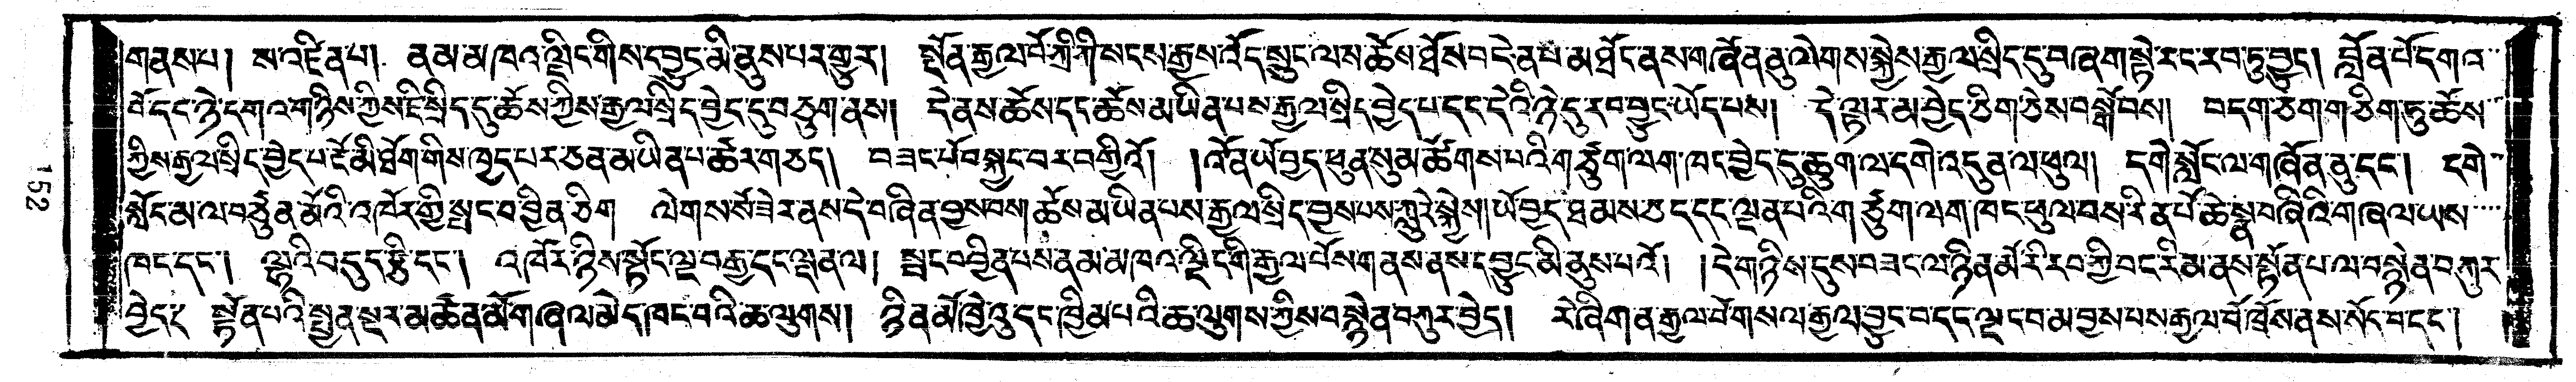གནས་པ། ས་འཛིན་པ། ནམ་མཁའ་ལྡིང་གིས་དབྱུང་མི་ནུས་པར་གྱུར། སྔོན་རྒྱལ་བོ་ཀྲི་ཀི་སངས་རྒྱས་འོད་སྲུང་ལས་ཆོས་ཐོས་བདེན་པ་མཐོང་ནས་གཞོན་ནུ་ལེགས་སྐྱེས་རྒྱལ་སྲིད་དུ་བཞག་སྟེ་རང་རབ་ཏུ་བྱུང་། བློན་པོ་དགའ་
བོ་དང་ཉེ་དགའ་གཉིས་ཀྱིས་ཇི་སྲིད་དུ་ཆོས་ཀྱིས་རྒྱལ་སྲིད་བྱེད་དུ་བཅུག་ནས། དེ་ནས་ཆོས་དང་ཆོས་མ་ཡིན་པས་རྒྱལ་སྲིད་བྱེད་པ་དང་དེའི་ཉེ་དུ་རབ་བྱུང་ཡོད་པས། དེ་ལྟར་མ་བྱེད་ཅིག་ཅེས་བསྒོ་བས། བདག་ཅག་གཅིག་ཏུ་ཆོས་
ཀྱིས་རྒྱལ་སྲིད་བྱེད་པ་རྔོ་མི་ཐོག་གིས་ཁྱད་པར་ཅན་མ་ཡིན་པ་ཚར་གཅད། བཟང་པོ་བསྐྱང་བར་བགྱིའོ། །འོ་ན་ཡོ་བྱད་ཕུན་སུམ་ཚོགས་པའི་གཙུག་ལག་ཁང་བྱེད་དུ་ཆུག་ལ་དགེ་འདུན་ལ་ཕུལ། དགེ་སློང་ལ་གཞོན་ནུ་དང་། དགེ་
སློང་མ་ལ་བཙུན་མོའི་འཁོར་གྱི་སྤང་བ་བྱིན་ཅིག་ལེགས་སོ་ཟེར་ནས་དེ་བཞིན་བྱས་བས། ཆོས་མ་ཡིན་པས་རྒྱལ་སྲིད་བྱས་པས་ཀླུ་རེ་སྐྱེས། ཡོ་བྱད་ཐམས་ཅད་དང་ལྡན་པའི་གཙུག་ལག་ཁང་ཕུལ་བས་རིན་པོ་ཆེ་སྣ་བཞིའི་གཞལ་ཡས་
ཁང་དང་། ལྷའི་བདུད་རྩི་དང་། འཁོར་ཉིས་སྟོང་ལྔ་བརྒྱ་དང་ལྡན་ལ། སྦང་བ་བྱིན་པས་ནམ་མཁའ་ལྡིང་གི་རྒྱལ་པོས་གནས་ནས་དབྱུང་མི་ནུས་པའོ། །དེ་གཉིས་དུས་བཟང་ལ་ཉིན་མོ་རི་རབ་ཀྱི་བང་རིམ་ནས་སྟོན་པ་ལ་བསྙེན་བཀུར་
བྱེད༑ སྟོན་པའི་སྤྱན་སྔར་མཚན་མོ་གཞལ་མེད་ཁང་བའི་ཆ་ལུགས། ཉིན་མོ་ཁྱེའུ་དང་ཁྱིམ་པའི་ཆ་ལུགས་ཀྱིས་བསྙེན་བཀུར་བྱེད། རེ་ཞིག་ན་རྒྱལ་བོ་གསལ་རྒྱལ་བྱུང་བ་དང་ལྡང་བ་མ་བྱས་པས་རྒྱལ་བོ་ཁྲོས་ནས་སོང་བ་དང་།